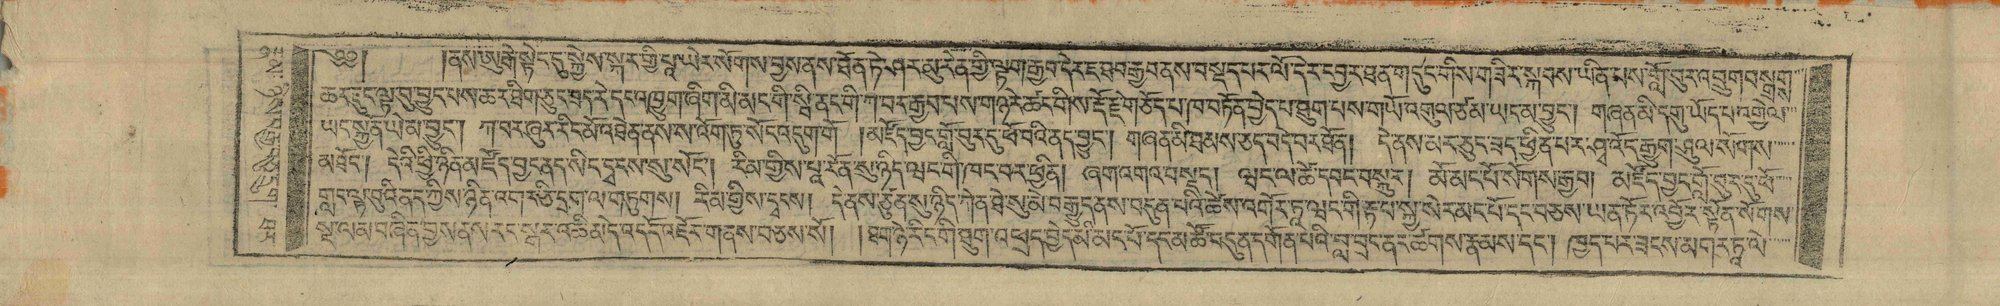༄༅། །ནས་ཨུརྒེ་སྟེང་དུ་སྐྱེས་སྐར་གྱི་པཱ་ཡེར་སོགས་བྱས་ནས་ཐོན་ཏེ་ཤར་མུ་རེན་གྱི་ལྟག་རྒྱབ་དེར་ཇ་ཐབ་རྒྱབ་ནས་བསྡད་པར་ལོ་དེར་དབྱར་ཐན་གདུང་གིས་གཟིར་སྐབས་ཡིན་པས་གློ་བུར་འབྲུག་བསྒྲགས་
ཆར་རྡུང་ལྟ་བུ་བྱུང་པས་ཆར་ཐིག་ཅུང་ཟད་རེ་དང་འཁྱུག་ཞིག་མི་མང་གི་སྦི་ནང་གི་ཀ་བར་རྒྱབ་པས་གཉེར་ཚང་གིས་རྡོ་རྗེ་གཅོད་པ་ཁ་བཏོན་བྱེད་པ་ཐུག་པས་གཡོ་འགུལ་ཙམ་ཡང་མ་བྱུང་། གཞན་མི་དགུ་ཡོད་པ་འགྱེལ་
ཡང་སྐྱོན་ཡེམ་བྱུང་། ཀ་བར་ཞུར་རིང་མོ་འཐེན་ནས་ས་འོག་ཏུ་སོང་འདུག་གོ །མཛོད་བྱང་གློ་བུར་དུ་ཕོ་བའི་ནད་བྱུང་། གཞན་མི་ཐམས་ཅད་བདེ་བར་ཐོན། དེ་ནས་མར་ཅུང་ཟད་ཕྱིན་པར་ཤྭ་འོད་རྒྱུག་ཤུལ་སོགས་
མཐོང་། དེའི་ཕྱི་ཉིན་མཛོད་བྱང་ནད་སིང་དྭངས་སུ་སོང་། རིམ་གྱིས་པཱ་རོན་སུ་ཉིད་ཝང་གི་ཁང་བར་ཕྱིན། ཞག་འགའ་བསྡད། ཝང་ལ་ཚེ་དབང་བསྐུར། མོ་མང་པོ་སོགས་རྒྱབ། མཛོད་བྱང་གློ་བུར་དུ་ཕོ་
གླང་ལྟ་བུའི་ནད་ཀྱིས་ཉིན་འགར་ཅི་དྲག་ལ་གཏུགས། རིམ་གྱིས་དྭངས། དེ་ནས་ཙུན་སུ་ཉིད་ཀེན་ཐེ་སུ་མེ་བརྒྱུད་ནས་བདུན་པའི་ཚེས་འགོར་ཏཱ་ཝང་གི་རྟ་པ་སྐྱ་སེར་མང་པོ་དང་བཅས་ཡན་ཏོར་འབྱོར་སྟོན་སོགས་
སྔ་ལམ་བཞིན་བྱས་ནས་རང་སྒར་འཆི་མེད་འདོད་འཇོར་གནས་བཅས་སོ། །ཐག་ཉེ་རིང་གི་ཐུག་འཕྲད་བྱེད་མི་མང་པོ་དང་མཚོ་བདུན་དགོན་པའི་བླ་བྲང་ནང་ཚགས་རྣམས་དང་། ཁྱད་པར་ཟངས་མགར་ཏཱ་ལེ་